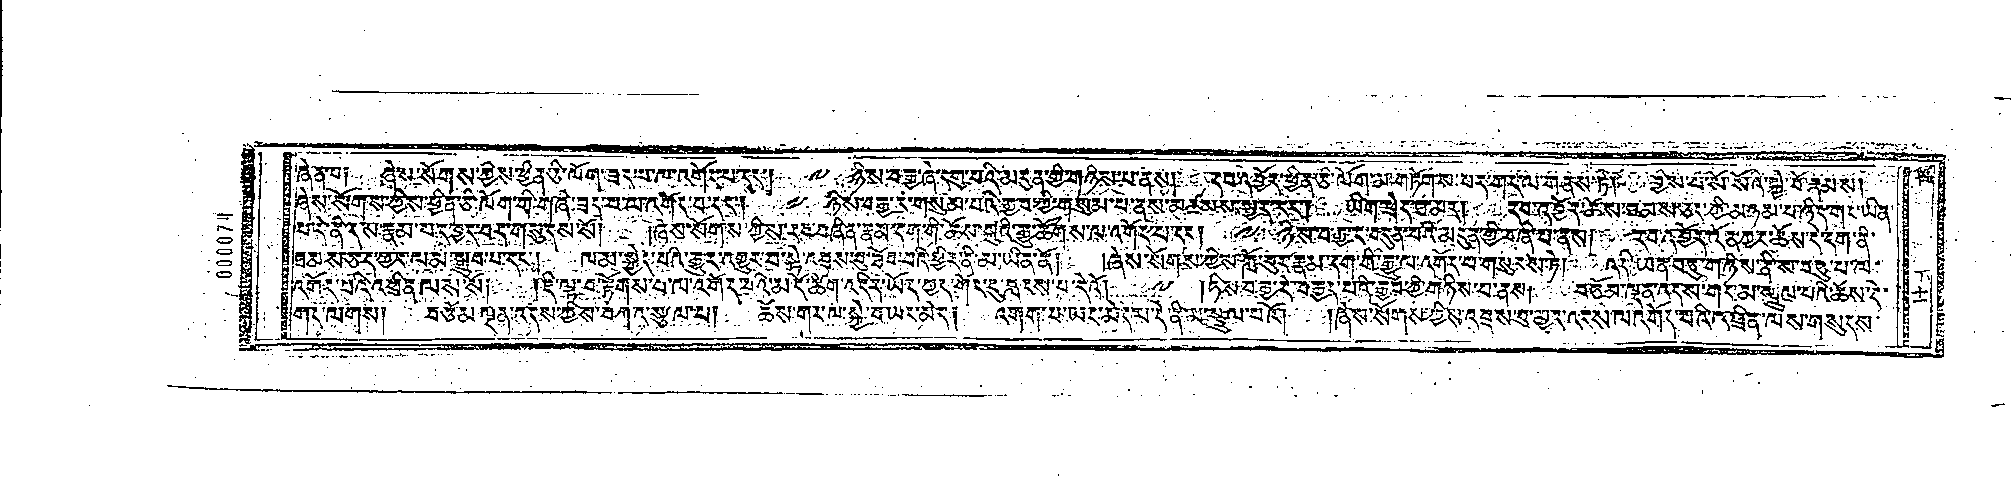ཞེན་པ། ཞེས་སོགས་ཀྱིས་ཕྱིན་ཅི་ལོག་ཟད་པ་ལ་འགོད་པ་དང་། ༧་ཉིས་བརྒྱ་ཞེ་དགུ་པའི་མདུན་གྱི་གཉིས་པ་ནས། རབ་འབྱོར་ཕྱིན་ཅི་ལོག་མ་གཏོགས་པར་གང་ལ་གནས་ཏེ། བྱིས་པ་སོ་སོའི་སྐྱེ་བོ་རྣམས།
ཞེས་སོགས་ཀྱིས་ཕྱིན་ཅི་ལོག་གི་གཞི་ཟད་པ་ལ་འགོད་པ་དང་། ༧་ཉིས་བརྒྱ་ང་གསུམ་པའི་རྒྱབ་ཀྱི་གསུམ་པ་ནས་མཚམས་སྦྱར་དང་། ཡིག་ཕྲེང་ཐ་མར། རབ་འབྱོར་ཆོས་ཐམས་ཅད་ཀྱི་མཉམ་པ་ཉིད་གང་ཡིན་
པ་རེ་ནི་དས་རྣམ་པར་བྱད་པར་གསུངས་སོ། །ཞེས་སོགས་ཀྱིས་རང་བཞིན་རྣམ་དག་གི་ཆོས་སྐུའི་རྒྱུ་ཚོགས་ལ་འགོད་པ་དང་། ༧་ཉིས་བརྒྱ་ང་བདུན་པའི་མདུན་གྱི་བཞི་པ་ནས། རབ་འབྱོར་འོན་ཀྱང་ཆོས་དེ་དག་ནི་
ཐམས་ཅད་ཀྱང་ལམ་སྒྲུབ་པ་དང་། ལམ་སྐྱེད་པའི་རྒྱུར་འགྱུར་བ་སྟེ་འབྲྶ་བུ་ཐོབ་པའི་ཕྱིར་ནི་མ་ཡིན་ནོ། །ཞེས་སོགས་ཀྱིས་གློ་བུར་རྣམ་དག་གི་རྒྱལ་འགོང་པ་གསུངས་ཏེ། འདི་ཡན་བཅུ་གཉིས་ནི་ས་བཅུ་པ་ལ་
འགོད་པའི་འཕྲིན་ལས་སོ། །ཇི་ལྟ་བ་རྟོགས་པ་ལ་འགོད་པའི་མདོ་ཚིགས་འདིར་ཡོད་ཀྱང་གོང་དུ་བླངས་པ་དེའོ། ༧་།ཉིས་བརྒྱ་རེ་བརྒྱད་པའི་རྒྱབ་ཀྱི་གཉིས་པ་ནས། བཅོམ་ལྡན་འདས་གང་མ་སྤྲུལ་པའི་ཆོས་དེ་
གང་ལགས། བཅོམ་ལྡན་འདས་ཀྱིས་བཀའ་སྩལ་པ། ཆོས་གདལ་སྐྱེ་བ་ཡང་མེད། འགག་པ་ཡང་མེད་པ་དེ་ནི་མ་སྤྲུལ་པའོ། །ཞེས་སོགས་ཀྱིས་འབྲས་བུ་མྱང་འདས་ལ་འགོད་པའི་འཕྲིན་ལས་གསུངས་